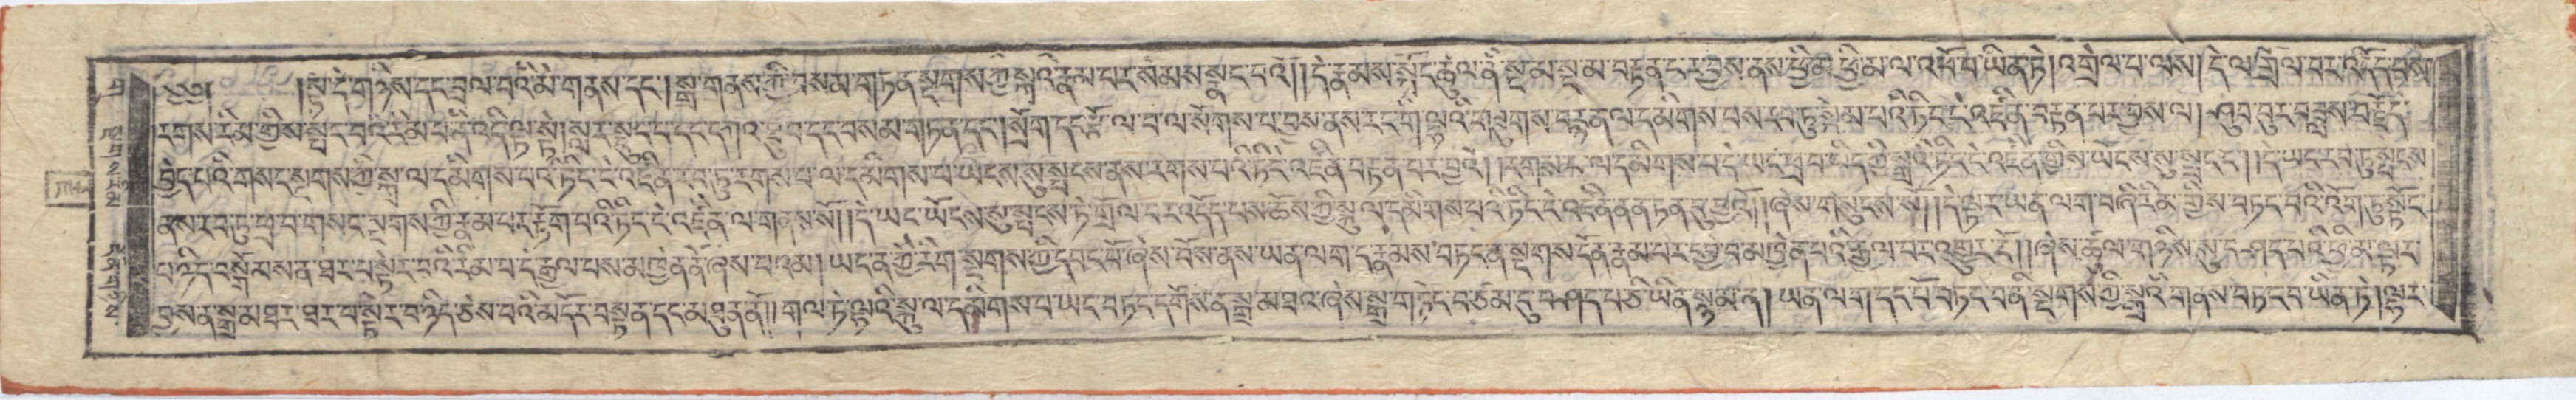༄༅། །སྟེ་དེ་གཉིས་དང་བྲལ་བའི་མི་གནས་དང་། སྒྲ་གནས་ཀྱི་བསམ་གཏན་སྔགས་ཀྱི་སྒྲའི་རྣམ་པར་སེམས་སྣང་བའོ། །དེ་རྣམས་སྤོང་ཚུལ་ནི་སྔ་མ་སྔ་མ་བརྟེན་པར་བྱས་ནས་ཕྱི་མ་ཕྱི་མ་ལ་འཕོ་བ་ཡིན་ཏེ། འགྲེལ་པ་ལས། དེ་ལ་གྲོལ་བར་འདོད་པས།
རགས་རིམ་གྱིས་སྤང་བའི་རིམ་པ་ནི་འདི་ལྟ་སྟེ། སླར་སྡུད་པ་དང་དཀའ་ཐུབ་དང་བསམ་གཏན་དང་། སྲོག་དང་རྩོལ་བ་ལ་སོགས་པ་བྱས་ནས་རང་གི་ལྷའི་གཟུགས་བརྙན་ལ་དམིགས་པས་རབ་ཏུ་སྦོམ་པའི་ཏིང་ངེ་འཛིན་བརྟན་པར་བྱས་ལ། ཤུབ་བུར་བཟླས་བརྗོད་
བྱེད་པའི་གསང་སྔགས་ཀྱི་སྐྲ་ལ་དམིགས་པའི་ཏིང་ངེ་འཛིན་རབ་ཏུ་རགས་པ་ལ་དམིགས་པ་ཡོངས་སུ་སྤངས་ནས་རགས་པའི་ཏིང་ངེ་འཛིན་བརྟན་པར་བྱའོ། །རགས་པ་ལ་དམིགས་པ་དེ་ཡང་ཕྲ་བ་ཡིད་ཀྱི་སྒྲའི་ཏིང་ངེ་འཛིན་གྱིས་ཡོངས་སུ་སྤང་པ། །དེ་ཡང་རབ་ཏུ་སྤངས་
ནས་རབ་ཏུ་ཕྲ་བ་གསང་སྔགས་ཀྱི་རྣམ་པར་རྟོག་པའི་ཏིང་ངེ་འཛིན་ལ་གནས་སོ། །དེ་ཡང་ཡོངས་སུ་སྤངས་ཏེ་གྲོལ་བར་འདོད་པས་ཆོས་ཀྱི་སྐུ་ལ་དམིགས་པའི་ཏིང་ངེ་འཛིན་ནན་ཏན་དུ་བྱའོ། །ཞེས་གསུངས་སོ། །དེ་ལྟར་ཡན་ལག་བཞི་རིམ་གྱིས་བཏང་བའི་འོག་ཏུ་སྟོང་
པ་ཉིད་བསྒོམ་ན་ཐར་པ་སྟེར་བའི་རིམ་པ་དེ་རྒྱལ་པས་མཁྱེན་ནོ་ཞེས་པའམ། ཡང་ན་ཀྱེ་རིག་སྔགས་ཀྱི་དབང་པོ་ཞེས་བོས་ནས་ཡན་ལག་དེ་རྣམས་བཏང་ན་སྔགས་དོན་རྣམ་པར་དབྱེ་བ་མཁྱེན་པའི་རྒྱལ་བར་འགྱུར་རོ། །ཞེས་ཚུལ་གཉིས་སུ་བཤད་པའི་ཕྱི་མ་ལྟར་
བྱས་ན་སྒྲ་མཐར་ཐར་པ་སྟེར་བ་ཉིད་ཅེས་པའི་མདོར་བསྟན་དང་མཐུན་ནོ། །གལ་ཏེ་ལྷའི་སྐུ་ལ་དམིགས་པ་ཡང་བཏང་དགོས་ན་སྒྲ་མཐའ་ཞེས་སྒྲ་གཏོང་བ་ཙམ་དུ་བཤད་པ་ཅི་ཡིན་སྙམ་ན། ཡན་ལག་དང་པོ་བཏང་བ་ནི་སྔགས་ཀྱི་སྒྲའི་གནས་བཏང་བ་ཡིན་ཏེ། ལྷར་